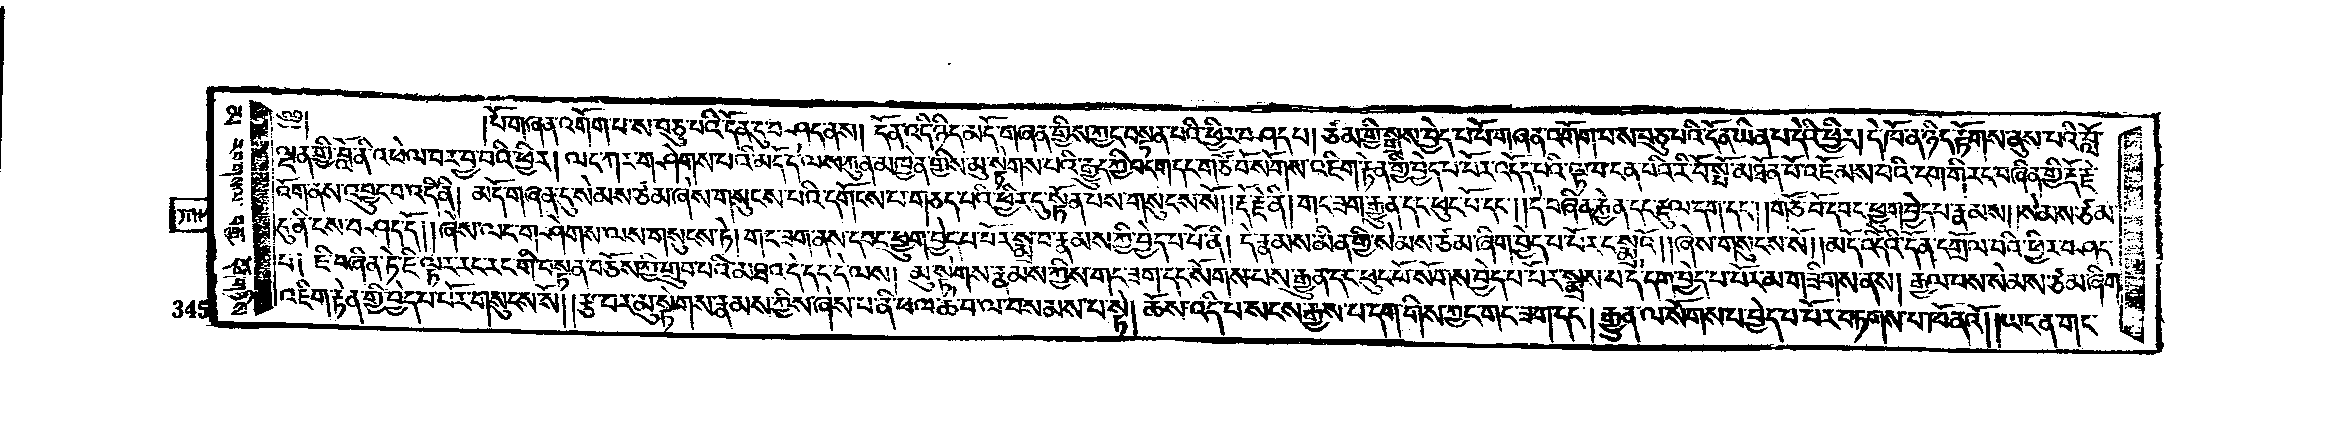༄༅། །པོ་གཞན་འགོག་པ་ས་བཅུ་པའི་དོན་དུ་བཤད་ནས། དོན་འདི་ཉིད་མདོ་གཞན་གྱིས་ཀྱང་བསྟན་པའི་ཕྱིར་བཤད་པ། ཙམ་གྱི་སྒྲས་བྱེད་པ་པོ་གཞན་འགོག་པ་ས་བཅུ་པའི་དོན་ཡིན་པ་དེའི་ཕྱིར། དེ་ཁོ་ན་ཉིད་རྟོགས་ནུས་པའི་བློ་
ལྡན་གྱི་བློ་ནི་འཕེལ་བར་བྱ་བའི་ཕྱིར། ལང་ཀར་གཤེགས་པའི་མདོ་དེ་ལས་ཀུན་མཁྱེན་གྱིས་མུ་སྟེགས་པའི་རྒྱུད་ཀྱི་བདག་དང་གཙོ་བོ་སོགས་འཇིག་རྟེན་གྱི་བྱེད་པ་པོར་འདོད་པའི་ལྟ་བ་ངན་པའི་རི་བོ་སྤོ་མཐོན་པོ་འཇོམས་པའི་ངག་གི་རང་བཞིན་གྱི་རྡོ་རྗེ་
འོག་ནས་འབྱུང་བ་འདི་ནི། མདོ་གཞན་དུ་སེམས་ཙམ་ཞེས་གསུངས་པའི་དགོངས་པ་གཅད་པའི་ཕྱིར་དུ་སྟོན་པས་གསུངས་སོ། །རྡོ་རྗེ་ནི། གང་ཟག་རྒྱུན་དང་ཕུང་པོ་དང་། དེ་བཞིན་རྐྱེན་དང་རྡུལ་དག་དང་། །གཙོ་བོ་དབང་ཕྱུག་བྱེད་པ་རྣམས། །སེམས་ཙམ་
དུ་ནི་ངས་བཤད་དོ། །ཞེས་ལང་གཤེགས་ལས་གསུངས་ཏེ། གང་ཟག་ནས་དབང་ཕྱུག་བྱེད་པ་པོར་སྨྲ་བ་རྣམས་ཀྱི་བྱེད་པ་པོ་ནི། དེ་རྣམས་མིན་གྱི་སེམས་ཙམ་ཞིག་བྱེད་པ་པོར་ང་སྨྲའོ། །ཞེས་གསུངས་སོ། །མདོ་འདིའི་དོན་དགྲོལ་བའི་ཕྱིར་བཤད་
པ། ཇི་བཞིན་ཏེ་ཇི་ལྟར་རང་རང་གི་བསྟན་བཅོས་ཀྱི་གྲུབ་པའི་མཐའ་དེ་དང་དེ་ལས། མུ་སྟེགས་རྣམས་ཀྱིས་གང་ཟག་དང་སོགས་པས་རྒྱུན་དང་ཕུང་པོ་སོགས་བྱེད་པ་པོར་སྨྲས་པ་དེ་དག་བྱེད་པ་པོར་མ་གཟིགས་ནས། རྒྱལ་བས་སེམས་ཙམ་ཞིག་
འཇིག་རྟེན་གྱི་བྱེད་པ་པོར་གསུངས་སོ། །རྩ་བར་མུ་སྟེགས་རྣམས་ཀྱིས་ཞེས་པ་ནི་ཕལ་ཆེ་བ་ལ་བསམས་པ་སྟེ། ཆོས་འདི་པ་སངས་རྒྱས་པ་དག་གིས་ཀྱང་གང་ཟག་དང་། རྒྱུན་ལ་སོགས་པ་བྱེད་པ་པོར་བཏགས་པ་ཁོ་ནའོ། །ཡང་ན་གང་